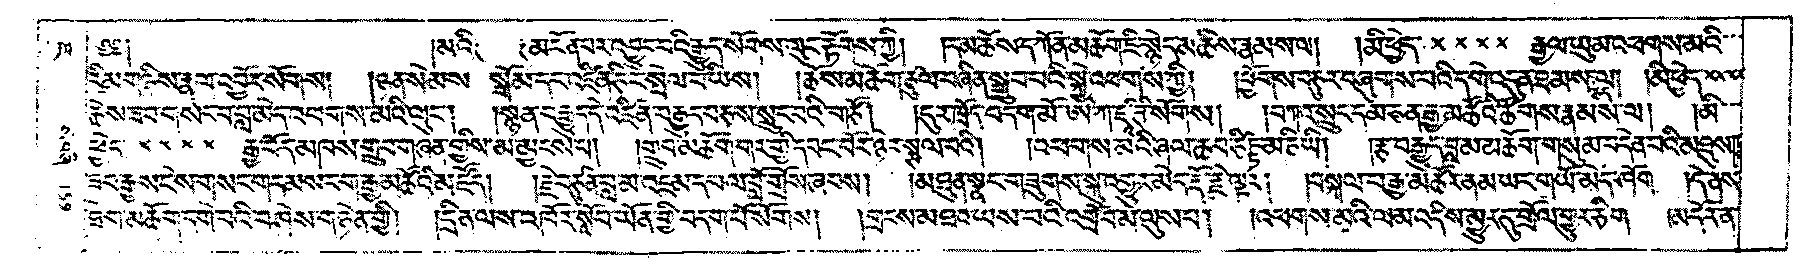༄༅། །མའི༑ ༑མངོན་པར་འབྱུང་བའི་རྒྱུད་སོགས་ལུང་རྟོགས་ཀྱི། །དམ་ཆོས་དཀོན་མཆོག་ཇི་སྙེད་མཆིས་རྣམས་ལ། །མི་ཕྱེད་྾་྾་྾་྾་རྒྱལ་ཡུམ་འཕགས་མའི་
རིམ་གཉིས་རྣལ་འབྱོར་སོགས། །ཉན་སེམས་སྒོམ་དང་འཛིན་ཅིང་སྤེལ་བ་ཡིས། །ཆོས་མཆོག་ཚུལ་བཞིན་སྒྲུབ་པའི་སྐྱེ་འཕགས་ཀྱི། །ཕྱོགས་བཅུར་བཞུགས་པའི་དགེ་འདུན་ཐམས་ཅད་ལ། །མི་ཕྱེད་྾་྾་྾་྾་
ཆེས་ཟབ་གསང་བ་བླ་མེད་འཕགས་མའི་ལུང་། །སྙན་བརྒྱུད་དེ་འཛིན་བརྒྱུད་བཅས་སྲུང་བའི་གཙོ། །དུར་ཁྲོད་བདག་མོ་ཨེ་ཀ་ཛཱ་ཊི་སོགས། །བཀའ་སྲུང་དམ་ཅན་རྒྱ་མཚོའི་ཚོགས་རྣམས་ལ། །མི་
ཕྱེད་྾་྾་྾་྾་རྒྱ་བོད་མཁས་གྲུབ་གཞན་གྱིས་མ་མྱངས་པ། །གྲུབ་མཆོག་གར་གྱི་དབང་པོར་ཉེར་སྩལ་བའི། །འཕགས་མའི་ཞལ་ཆབ་ཙིཏྟ་མ་ཎི་ཡི། །རྩ་བརྒྱུད་བླ་མ་མཆོག་གསུམ་བདེན་པའི་མཐུས། །
ཟབ་རྒྱས་ངེས་གསང་གདམས་ངག་རྒྱ་མཚོའི་མཛོད། །རྗེ་བཙུན་བླ་མ་འཇམ་དཔལ་བློ་གྲོས་ཞབས། །མཐུན་སྣང་གཟུགས་སྐུ་འགྱུར་མེད་རྡོ་རྗེ་ལྟར། །བསྐལ་པ་རྒྱ་མཚོར་ནམ་ཡང་གཡོ་མེད་ཤོག །དེ་ནས་
ཐེག་མཆོག་དགེ་བའི་བཤེས་གཉེན་གྱི། །དྲིན་ལས་འཁོར་སློབ་ཡོན་གྱི་བདག་པོ་སོགས། །གྲངས་མཐའ་ཡས་པའི་འགྲོ་བ་མ་ལུས་པ། །འཕགས་མའི་ལམ་འདིས་མྱུར་དུ་གྲོལ་གྱུར་ཅིག །མདོར་ན་